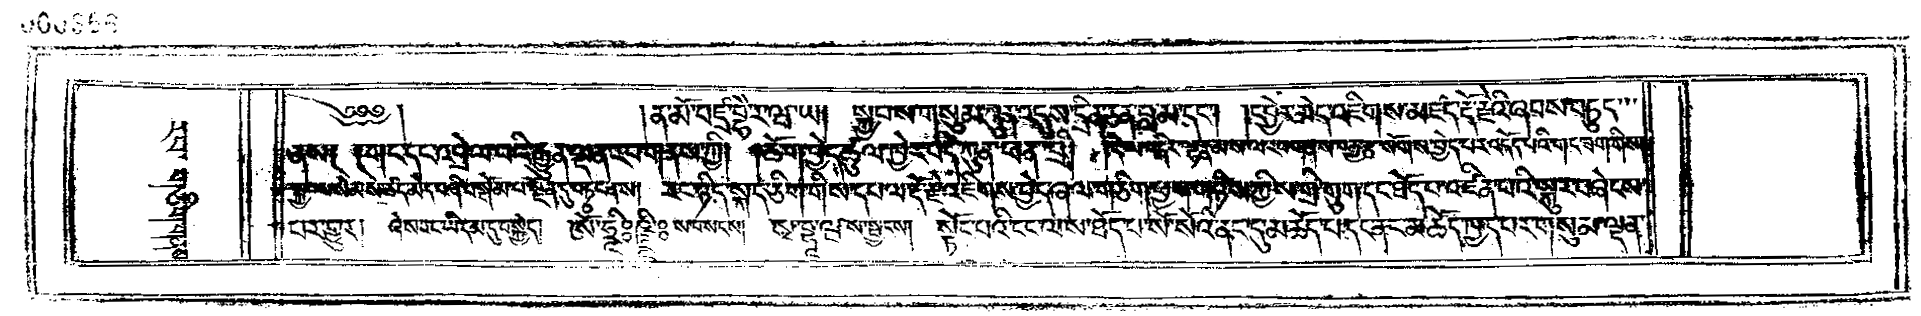༄༅༅། །ན་མོ་བཛྲ་བྷཻ་ར་ཝ་ཡ། སྐྱབས་གསུམ་ཀུན་འདུས་དྲིན་ཅན་བླ་མ་དང་། །དབྱེར་མེད་འཇིགས་མཛད་རྡོ་རྗེའི་ཞབས་བཏུད་
ནས༑ ༑གང་དང་འབྲེལ་བའི་རྒྱུན་ལྡན་རབ་གནས་ཀྱི། །ཆོ་ག་བྱེད་ཚུལ་ཁྱེར་བདེ་ཀུན་ཕན་བྲི། །དེ་ལ་འདིར་ལྷ་རྣམས་ལ་རབ་གནས་བརྒྱ་རྩ་སོགས་བྱེད་པར་འདོད་པའི་གང་ཟག་གིས།
སྐྱབས་སེམས་ཚད་མེད་བཞི་བསྒོམ་པ་སྔོན་དུ་བཏང་ནས། རང་ཉིད་སྐད་ཅིག་གིས་དཔལ་རྡོ་རྗེ་འཇིགས་བྱེད་ཞལ་གཅིག་ཕྱག་གཉིས་ཀྱིས་གྲི་གུག་དང་ཐོད་པ་འཛིན་པའི་སྐུར་བཞེངས་
པར་གྱུར། ཞེས་རང་ཡི་དམ་དུ་བསྐྱེད།  ཨོཾ་ཧྲཱིཿ ཥྜྲཱིཿས་བསངས།  སྭ་བྷཱ་ཝས་སྦྱངས།  སྟོང་པའི་ངང་ལས་ཐོད་པ་སོ་སོའི་ནང་དུ་མཆོད་པ་དང་ནང་མཆོད་ཁྱད་པར་གསུམ་ལྡན་